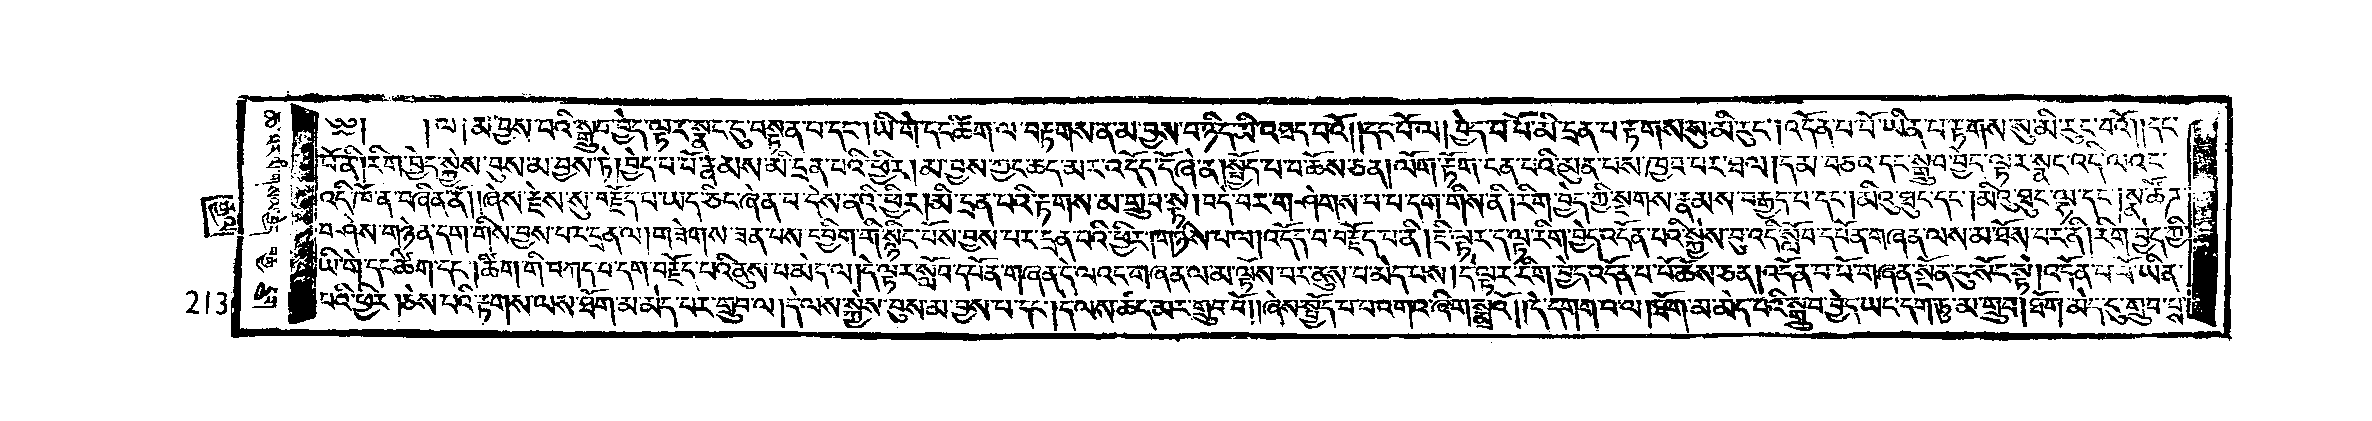༄༅། །ལ། མ་བྱས་པའི་སྒྲུབ་བྱེད་ལྟར་སྣང་དུ་བསྟན་པ་དང་། ཡི་གེ་དང་ཚིག་ལ་བརྟགས་ན་མ་བྱས་པ་ཉིད་མི་འཐད་པའོ། །དང་པོ་ལ། བྱེད་པ་པོ་མི་དྲན་པ་རྟགས་སུ་མི་རུང་། འདོན་པ་པོ་ཡིན་པ་རྟགས་སུ་མི་རུང་བའོ། །དང་
པོ་ནི། རིག་བྱེད་སྐྱེས་བུས་མ་བྱས་ཏེ། བྱེད་པ་པོ་རྣམས་མི་དྲན་པའི་ཕྱིར། མ་བྱས་ཀྱང་ཆད་མར་འདོད་དོ་ཞེ་ན། སྤྱོད་པ་པ་ཆོས་ཅན། ལོག་རྟོག་ངན་པའི་མུན་པས་ཁྱབ་པར་ཐལ། དམ་བཅའ་དང་སྒྲུབ་བྱེད་ལྟར་སྣང་འདི་ལའང་
འདི་ཁོ་ན་བཞིན་ནོ། །ཞེས་རྗེས་སུ་བརྗོད་པ་ཡོད་ཅིང་ཞེན་པ་དེས་ནའི་ཕྱིར། མི་དྲན་པའི་རྟགས་མ་གྲུབ་སྟེ། བདེ་བར་གཤེགས་པ་པ་དག་གིས་ནི། རིག་བྱེད་ཀྱི་སྔགས་རྣམས་བརྒྱད་པ་དང་། མིའུ་ཐུང་དང་། མིའུ་ཐུང་ལྷ་དང་། སྣ་ཚོཌ་?
བཤེས་གཉེན་དག་གིས་བྱས་པར་དྲན་ལ། གཟེགས་ཟན་པས་དབྱིག་གི་སྙིང་པོས་བྱས་པར་དྲན་པའི་ཕྱིར། གཉིས་པ་ལ། འདོད་པ་བརྗོད་པ་ནི། ཇི་ལྟར་ད་ལྟ་རིག་བྱེད་འདོན་པའི་སྐྱེས་བུ་འདི་སློབ་དཔོན་གཞན་ལས་མ་ཐོས་པར་ནི། རིག་བྱེད་ཀྱི་
ཡི་གེ་དང་ཚིག་དང་། ཚིག་གི་བཀང་?་པ་དག་བརྗོད་པའི་ནུས་པ་མེད་ལ། དེ་ལྟར་སློབ་དཔོན་གཞན་དེ་ལའང་གཞན་ལ་མ་ལྟོས་པར་ནུས་པ་མེད་པས། དེ་ལྟར་རིག་བྱེད་འདོན་པ་པོ་ཆོས་ཅན། འདོན་པ་པོ་གཞན་སྔོན་དུ་སོང་སྟེ། འདོན་པ་པོ་ཡིན་
པའི་ཕྱིར། ཅེས་པའི་རྟགས་ལས་ཐོག་མ་མེད་པར་གྲུབ་ལ། དེ་ལས་སྐྱེས་བུས་མ་བྱས་པ་དང་། དེ་ལས་ཚད་མར་གྲུབ་བོ། །ཞེས་སྤྱོད་པ་པ་འགའ་ཞིག་སྨྲའོ། །དེ་དགག་པ་ལ། ཐོག་མ་མེད་པའི་སྒྲུབ་བྱེད་ཡང་དག་ཏུ་མ་གྲུབ། ཐོག་མེད་དུ་གྲུབ་པས་